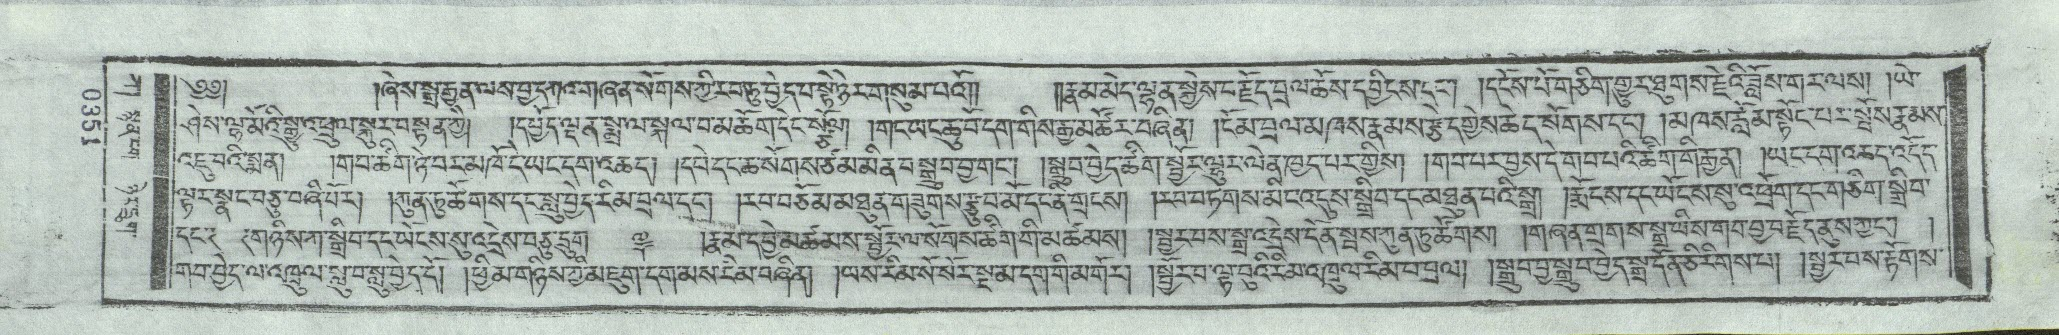༄༅། །ཞེས་སྒྲ་རྒྱན་ལས་བྱ་དཀའ་གཞན་སོགས་ཀྱི་རབ་ཏུ་བྱེད་པ་སྟེ་ཉེར་གསུམ་པའོ།། །།རྣམ་མེད་ལྷན་སྐྱེས་བརྗོད་བྲལ་ཆོས་དབྱིངས་དང་། །དངོས་པོ་གཅིག་གྱུར་ཐུགས་རྗེའི་ཟློས་གར་ལས། །ཡེ་
ཤེས་ལྷ་མོའི་སྒྱུ་འཕྲུལ་སྐུར་བསྟན་ཀྱི། །དབྱོད་ལྡན་སྨྲ་ལ་སྐལ་བ་མཆོག་དང་སྩོལ། །གང་ཡང་ཆུ་བོ་དག་གིས་རྒྱ་མཚོར་བཞིན། །ངོམ་བྲལ་མཁས་རྣམས་རྩེ་དགྱེས་ཆེད་སོགས་དང་། །མཁས་རློམ་སྟོང་པར་སྤོས་རྣམས་
འཇུ་བའི་སྨན། །གབ་ཚིག་ཉེ་བར་མཁོ་དེ་ཡང་དག་འཆད། །དབེ་དང་ཆ་སོགས་ཙམ་མིན་བསྒྲུབ་བྱ་གང་། །སྒྲུབ་བྱེད་ཚིག་སྦྱོར་ལྷུན་ལེན་ཁྱད་པར་གྱིས། །གབ་པར་བྱས་དེ་གབ་པའི་ཚིག་གི་རྒྱན། །ཡང་དག་??་འདོད་
ལྟང་སྣང་བཅུ་བཞི་པོར། །ཀུན་ཏུ་ཚོགས་དང་སླུ་བྱེད་རིམ་བྲལ་དང་། །རབ་བཅོམ་མཐུན་གཟུགས་རྩུབ་མོ་དང་ནི་གྲངས། །རབ་བཏགས་མིང་འདུས་སགརབ་དང་མཐུན་པའི་སྒྲ། །རྨོངས་དང་ཡོངས་སུ་འཕྲོག་དང་གཅིག་སྒྲེལ?
དང་། །གཉིས་ཀ་སྒྲིབ་དང་ཡོངས་སུ་འདྲེས་བཅུ་དྲུག ༈ །རྣམ་དབྱེ་མཚམས་སྦྱོར་ལ་སོགས་ཚིག་གི་མཚམས། །སྦྱར་བས་སྒྲ་འདྲེས་དོན་སྦས་ཀུན་ཏུ་ཚོགས། །གཞན་གྲགས་སྒྲ་ཡིས་གབ་བྱ་བརྗོད་ནུས་ཀྱང་། །
གབ་བྱེད་ལ་འཁྲུལ་སླུ་བསླུ་བྱེད་དོ། །ཕྱི་མ་གཉིས་ཀྱི་འཇུག་དག་མས་རིམ་བཞིན། །ཡས་རིམ་སོ་སོར་སྔ་མ་དག་གི་མགོར། །སྦྱོར་བ་ལྟ་བུའི་རིམ་འཁྲུལ་རིམ་པ་བྲལ། །སྒྲུབ་བྱ་སྒྲུབ་བྱེད་སྒྲ་དོན་ཅི་རིགས་པ། །སྦྱར་བས་རྟོགས་